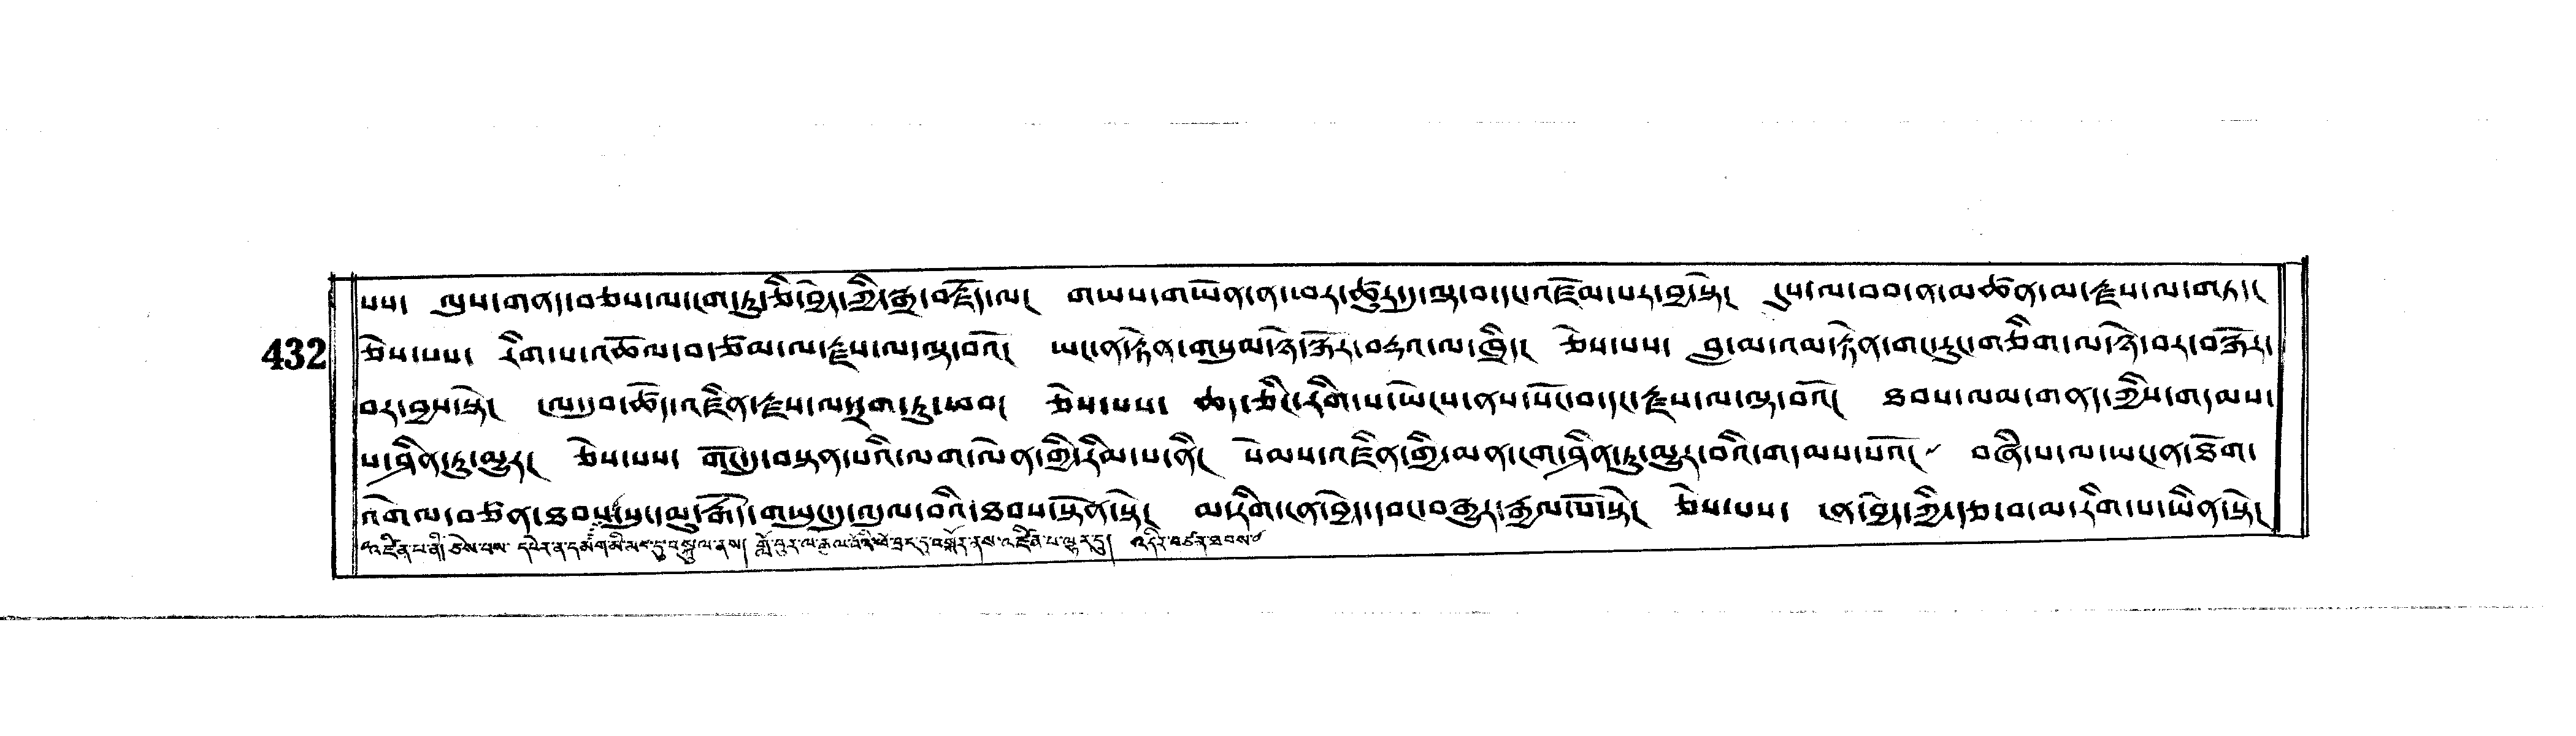པས། ལུས་གནད་བཅས་ལ་ངག་ཏུ་ཅི་བྱེད་ཀྱི་སྒྲ་བརྗོད་ལ། གཡས་གཡོན་ན་ཕར་ཚུར་དུ་ལྟ་བ་དང་འཛོམ་པར་བྱ་སྟེ། དུས་ལ་བབས་ན་མཚན་མ་རྫས་ལ་གཏད། 
ཅེས་པས། རིག་པ་འཆོལ་བ་ཙམ་ལ་རྫས་ལ་ལྟ་བའོ། ཡང་ན་རྟེན་གསུམ་ཉེ་སྐོར་བརྡ་ལ་ཁྲིད། ཅེས་པས། བླ་མའམ་རྟེན་གང་རུང་གཅིག་ལ་ཉེ་བར་བསྐོར་
བར་བྱས་ཏེ། ངལ་དུབ་ཚོད་འཛིན་རྫས་ལ་དྲག་ཏུ་ཕབ། ཅེས་པས། ཆད་ཅིང་རིག་པ་ཡེངས་ལ་སོང་བ་དང་རྫས་ལ་བལྟ་བའོ། ཐབས་ལམ་གནད་ཀྱི་གདམས་
པ་ཤིན་ཏུ་མྱུར། ཅེས་པས། གོང་དུ་བསྟན་པའི་ལག་ལེན་གྱི་རིམ་པ་ནི། སེམས་འཛིན་གྱི་མན་ངག་ཤིན་ཏུ་མྱུར་བའི་གདམས་པའོ། ༧ བཞི་པ་ལ་ཡང་ན་ཐོག་
འགེལ་བཙན་ཐབས་འཛིན་པ་ནི། ཅེས་པས། དམག་མི་མང་དུ་བསྐུལ་ནས། གློ་བུར་ལ་རྒྱལ་པོའི་ཕོ་བྲང་དུ་བསྐོར་ནས་འཛིན་པ་ལྟར་དུ་འདིར་བཙན་ཐབས་སུ་དམུ་རྒོད་གཡུང་དུ་འདུལ་བའི་ཐབས་སྟོན་ཏེ། མ་རིག་ངན་བྱེད་དབང་སྒྱུར་རྒྱལ་པོ་སྟེ། ཅེས་པས། ངན་བྱེད་ཀྱི་རྩ་བ་མ་རིག་པ་ཡིན་ཏེ།